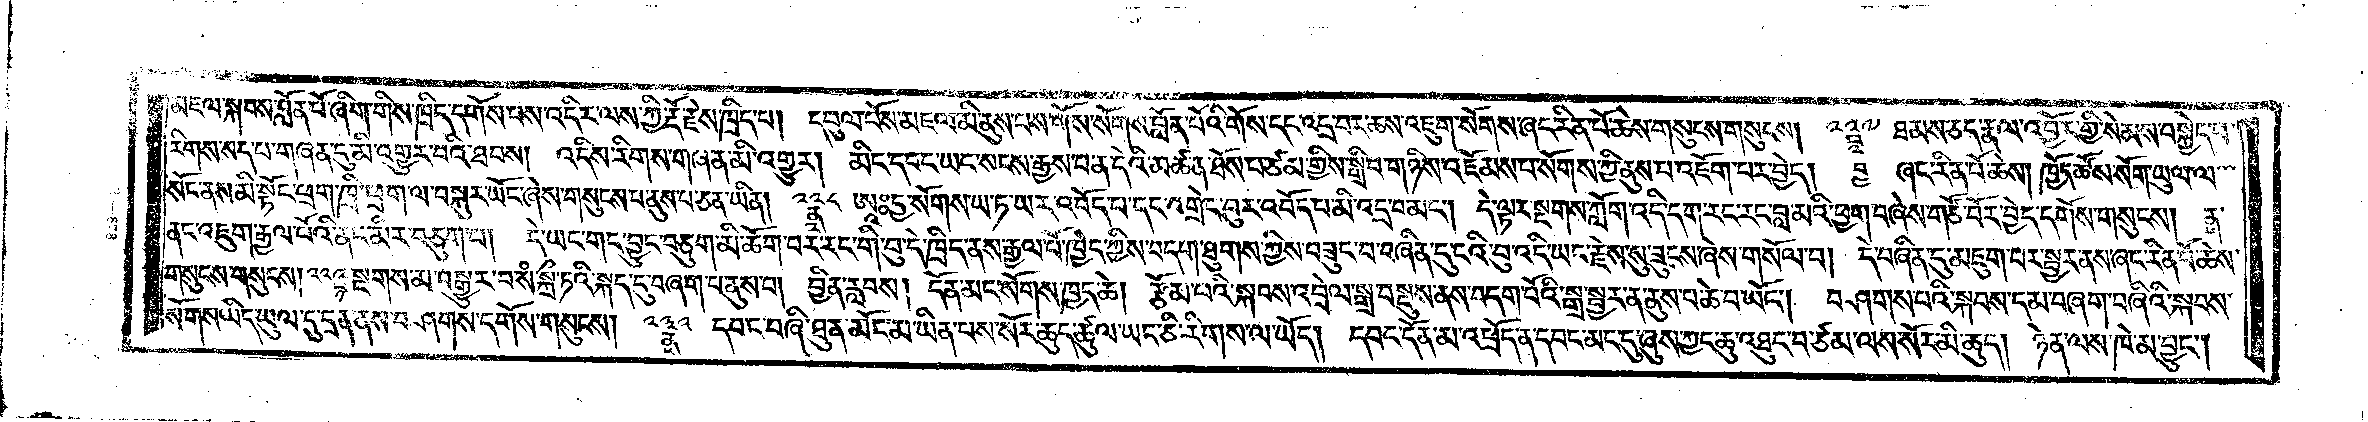མཇལ་སྐབས་བློན་པོ་ཞིག་གིས་ཁྲིད་དགོས་པས་འདིར་ལས་ཀྱི་རྡོ་རྗེས་ཁྲིད་པ། དབུལ་བོས་མཇལ་མི་ནུས་པས་གོས་སོགས་བློན་པོའི་གོས་དང་འདྲ་བར་ཆས་འཇུག་སོགས་ཞང་རིན་པོ་ཆེས་གསུངས་གསུངས། ༢༢༧བ༢་ཐམས་ཅད་རྣལ་འབྱོར་གྱི་སེམས་བསྐྱེད་པ་
རིགས་སད་པ་གཞན་དུ་མི་འགྱུར་བའི་ཐབས། འདིས་རིགས་གཞན་མི་འགྱུར། མིང་དབང་ཡང་སངས་རྒྱས་པ་ན་དེའི་མཚན་ཐོས་པ་ཙམ་གྱིས་སྒྲིབ་གཉིས་འཇོམས་པ་སོགས་ཀྱི་ནུས་པ་འཇོག་པར་བྱེད། བ༤་ཞང་རིན་པོ་ཆེས། ཁྱོད་ཚོས་སོག་ཡུལ་ལ་
སོང་ནས་མི་སྟོང་ཕྲག་ཁྲི་ཕྲག་ལ་བསྐུར་ཡོང་ཞེས་གསུངས་པ་ནུས་པ་ཅན་ཡིན། ༢༢༨ན༢་ཨཱཿདྱ་སོགས་ཡ་ཏ་ཡར་འབོད་པ་དང་འགྲེང་བུར་འབོད་པ་མི་འདྲ་བ་མང་། དེ་ལྟར་སྔགས་ཀློག་འདི་དག་རང་རང་བླ་མའི་ཕྱག་བཞེས་གཙོ་བོར་བྱེད་དགོས་གསུངས། ན༥
ནང་འཇུག་རྒྱལ་པོའི་ནང་མིར་བཅུག་པ། དེ་ཡང་གང་བྱུང་བཅུག་མི་ཆོག་བར་རང་གི་བུ་དེ་ཁྲིད་ནས་རྒྱལ་པོ་ཁེད་ཀྱིས་བདག་ཐུགས་ཀྱིས་བཟུང་བ་བཞིན་དུ་ངའི་བུ་འདི་ཡང་རྗེས་སུ་ཟུངས་ཞེས་གསོལ་བ། དེ་བཞིན་དུ་མཇུག་བར་སྦྱར་ནས་ཞང་རིན་པོ་ཆེས་
གསུངས་གསུངས། ༢༢༩བ༡་སྔགས་མ་བསྒྱུར་བསཾ་སྐྲྀ་ཏའི་སྐད་དུ་བཞག་པ་ནུས་པ། བྱིན་རླབས། དོན་མང་སོགས་ཁྱད་ཆེ། རྩོམ་པའི་སྐབས་འབྲེལ་སྒྲ་བསྡུས་ནས་བདག་པོའི་སྒྲ་སྦྱར་ན་ནུས་བ་ཆེ་བ་ཡོད། བཤགས་པའི་སྐབས་དམ་བཞག་བཞིའི་སྐབས་
སོགས་ཡིད་ཡུལ་དུ་དྲན་ནས་བཤགས་དགོས་གསུངས། ༢༣༢ན༥་དབང་བཞི་ཐུན་མོང་མ་ཡིན་པས་སོར་ཆུད་ཚུལ་ཡང་ཅི་རིགས་ལ་ཡོད། དབང་དོན་མ་འཕྲོད་ན་དབང་མང་དུ་ཞུས་ཀྱང་ཆུ་འཐུང་བ་ཙམ་ལས་སོར་མི་ཆུད། ཉེན་ལས་ཁེ་མ་བྱུང་།